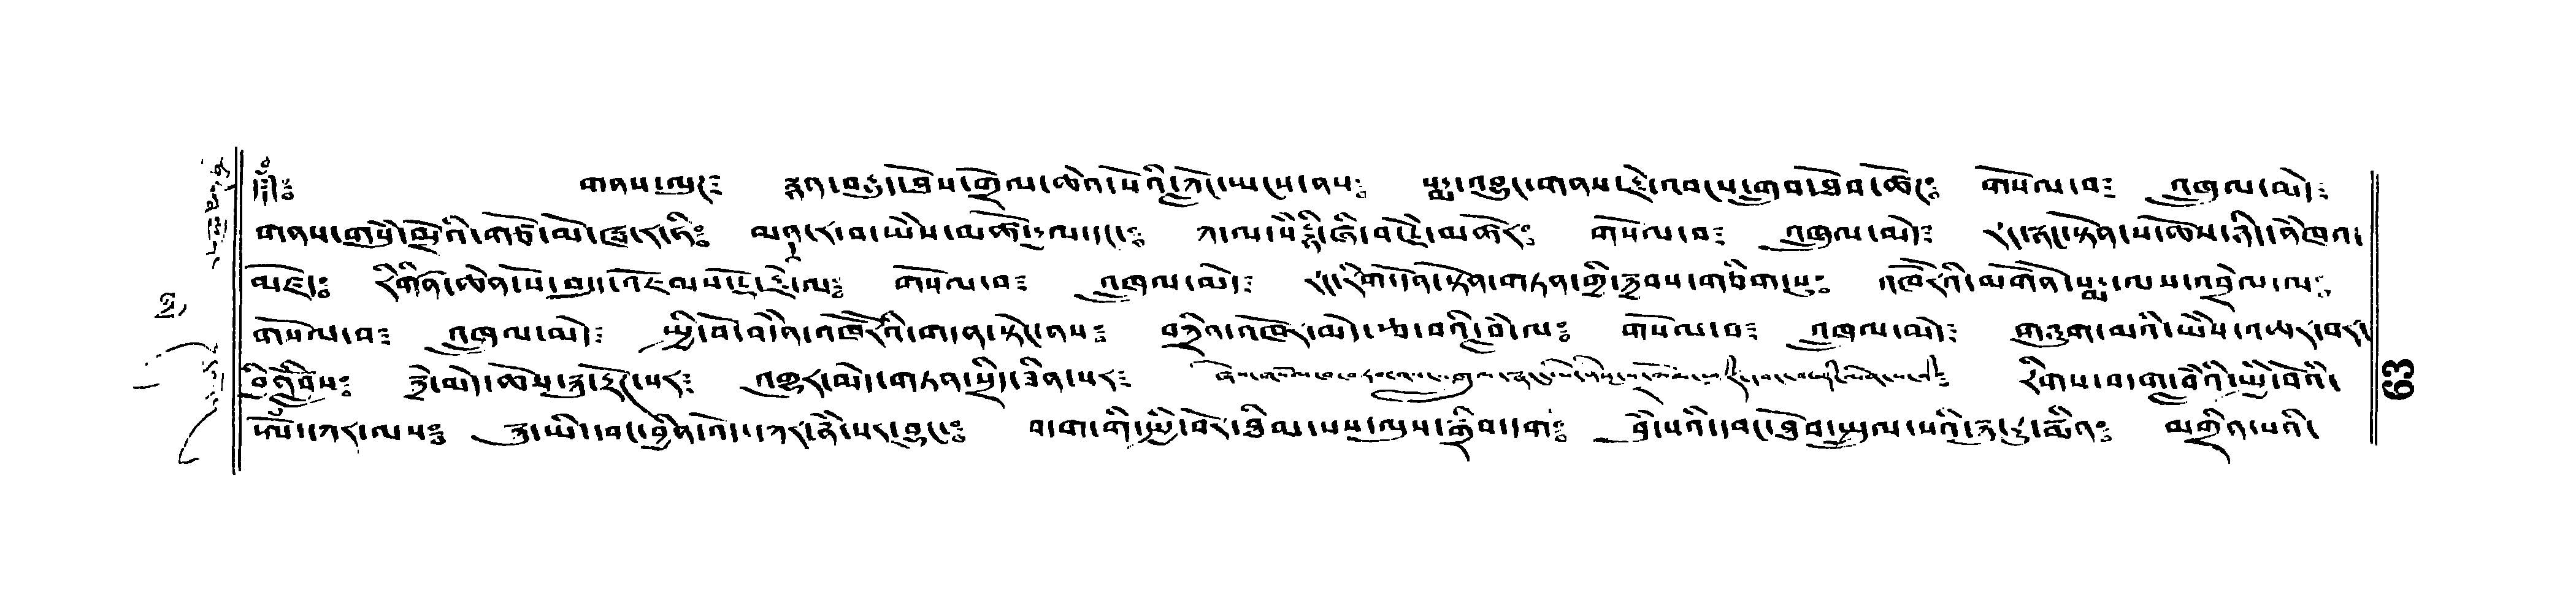གནས་ལུགས༴ སྙན་བརྒྱུད་ཐོས་གྲོལ་ཆེན་པོའི་ཀློང་ཡངས་ནས༔ པདྨ་འབྱུང་གནས་རྗེ་འབངས་གྲུབ་ཐོབ་ཚོགས༔ གསོལ་བ༴ འཁྲུལ་མེད༴ 
གནས་གསུམ་མཁའ་འགྲོའི་གཙོ་མོ་ཝ་ར་ཧི༔ མནྡཱ་ར་བ་ཡེ་ཤེས་མཚོ་རྒྱལ་དང༔ ཀ་ལ་སིདྡྷི་ཞི་བ་རྡོ་རྗེ་མཚོར༔ གསོལ་བ༴ འཁྲུལ་མེད༴ རང་སྣང་སྟོན་པ་ཆོས་ཉིད་ནམ་མཁའ་
མཛོད༔ རིག་འཛིན་ཆེན་པོ་བདུད་འཇོམས་རྡོ་རྗེ་ལ༔ གསོལ་བ༴ འཁྲུལ་མེད༴ རང་རིག་དོན་སྟོན་གཏན་གྱི་སྐྱབས་གཅིག་པུ༔ འཁོར་ལོའི་མགོན་པོ་པདྨ་ལས་འབྲེལ་ལ༔ 
གསོལ་བ༴ འཁྲུལ་མེད༴ སྤྱི་བོ་བདེ་ཆེན་འཁོར་ལོའི་གདན་སྟེང་ནས༔ བཀའ་དྲིན་འཁོར་མེད་རྩ་བའི་བླ་མ་ལ༔ གསོལ་བ༴ འཁྲུལ་མེད༴ གཉུག་མའི་ཡེ་ཤེས་འཆར་བར་
བྱིན་གྱིས་རློབས༔ སྐྱེ་མེད་ཆོས་སྐུ་རྟོགས་པར༴ འགྱུར་མེད་གཏན་སྲིད་ཟིན་པར༴ ཞེས་གསོལ་བ་བཏབ་ནས་འཁྲུལ་སྣང་ཡེ་ཤེས་སུ་གྲོལ་ཕྱིར་དབང་བཞི་ལེན་པ་ནི༔རིགས་བདག་བླ་མའི་སྤྱི་བོའི་
ཨོཾ་དཀར་ལས༔ སྐུ་ཡི་དབང་བྱིན་འོད་དཀར་རྣམ་པར་བྱུང༔ བདག་གི་སྤྱི་བོར་ཐིམ་པས་ལུས་སྒྲིབ་དག༔ བུམ་པའི་དབང་ཐོབ་སྤྲུལ་པའི་སྐུ་རུ་སྨིན༔ མགྲིན་པའི་